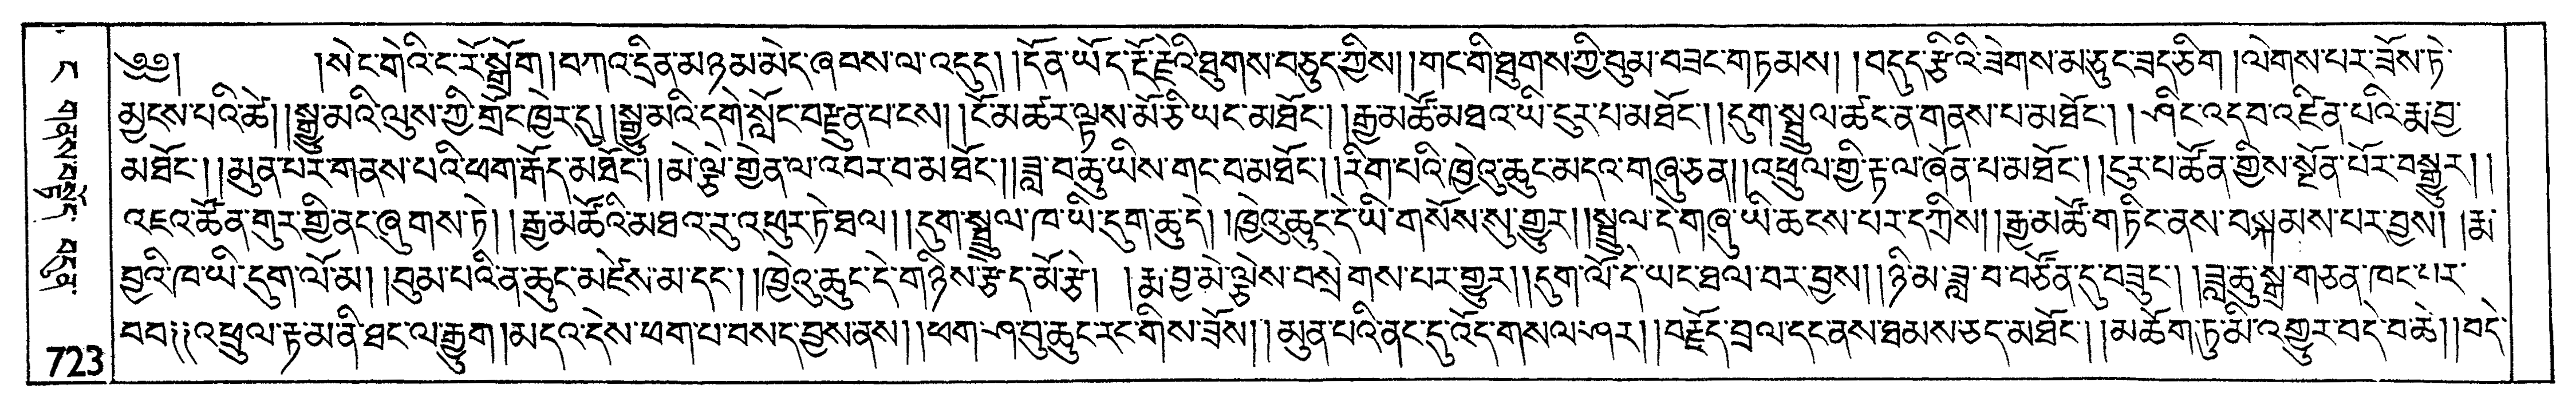༄༅། །སེང་གེའི་ང་རོ་སྒྲོག །བཀའ་དྲིན་མཉམ་མེད་ཞབས་ལ་འདུད། །དོན་ཡོད་རྡོ་རྗེའི་ཐུགས་བཅུད་ཀྱིས། །གང་གི་ཐུགས་ཀྱི་བུམ་བཟང་གཏམས། །བདུད་རྩིའི་ཟེགས་མ་ཅུང་ཟད་ཅིག །ལེགས་པར་ཟོས་ཏེ་
མྱངས་པའི་ཚེ། །སྒྱུ་མའི་ལུས་ཀྱི་གྲོང་ཁྱེར་དུ། །སྒྱུ་མའི་དགེ་སློང་བརྫུན་པ་ངས། །ངོ་མཚར་ལྟས་མོ་ཅི་ཡང་མཐོང་། །རྒྱ་མཚོ་མཐའ་ཡི་ངུར་པ་མཐོང་། །དུག་སྦྲུལ་ཚང་ན་གནས་པ་མཐོང་། །ཤིང་འདབ་འཛིན་པའི་རྨ་བྱ་
མཐོང་། །མུན་པར་གནས་པའི་ཕག་རྒོད་མཐོང་། །མེ་ལྕེ་གྱེན་ལ་འབར་བ་མཐོང་། །ཟླ་བ་ཆུ་ཡིས་གང་བ་མཐོང་། །རིག་པའི་ཁྱེའུ་ཆུང་མདའ་གཞུ་ཅན། །འཕྲུལ་གྱི་རྟ་ལ་ཞོན་པ་མཐོང་། །ངུར་པ་ཚོན་གྱིས་སྔོན་པོར་བསྒྱུར། །
འཇའ་ཚོན་གུར་གྱི་ནང་ཞུགས་ཏེ། །རྒྱ་མཚོའི་མཐའ་རུ་འཕུར་ཏེ་ཐལ། །དུག་སྦྲུལ་ཁ་ཡི་དུག་ཆུ་དེ། །ཁྱེའུ་ཆུང་དེ་ཡི་གསོས་སུ་གྱུར། །སྦྲུལ་དེ་གཞུ་ཡི་ཆངས་པར་དཀྲིས། །རྒྱ་མཚོ་གཏིང་ནས་བསྐམས་པར་བྱས། །རྨ་
བྱའི་ཁ་ཡི་དུག་ལོ་མ། །བུམ་པའི་ན་ཆུང་མཛེས་མ་དང་། །ཁྱེའུ་ཆུང་དེ་གཉིས་རྩེད་མོ་རྩེ། །རྨ་བྱ་མེ་ལྕེས་བསྲེགས་པར་གྱུར། །དུག་ལོ་དེ་ཡང་ཐལ་བར་བྱས། །ཉི་མ་ཟླ་བ་བཙོན་དུ་བཟུང་། །ཟླ་ཆུ་སྒྲ་གཅན་ཁང་པར་
བབ༑ ༑འཕྲུལ་རྟ་མ་ནི་ཐང་ལ་རྒྱུག །མདའ་དེས་ཕག་པ་བསད་བྱས་ནས། །ཕག་ཤ་བུ་ཆུང་རང་གིས་ཟོས། །མུན་པའི་ནང་དུ་འོད་གསལ་ཤར། །བརྗོད་བྲལ་དང་ནས་ཐམས་ཅད་མཐོང་། །མཆོག་ཏུ་མི་འགྱུར་བདེ་བ་ཆེ། །བདེ་